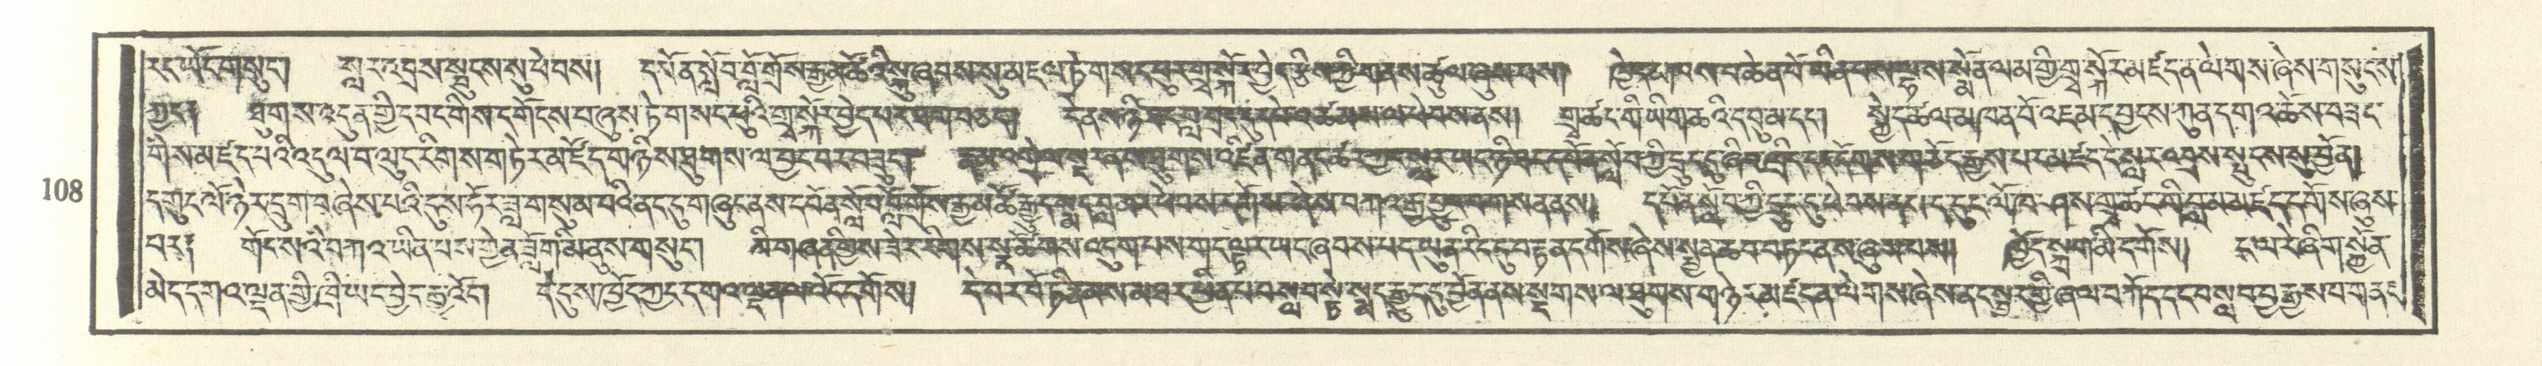རང་ཡོང་གསུང་། སླར་འབྲས་སྤུངས་སུ་ཕེབས། དཔོན་སློབ་བློ་གྲོས་རྒྱ་མཚོའི་སྐུ་ཞབས་སུ་མཇལ་ཏེ་གསང་ཕུར་གྲྭ་སྐོར་བྱེད་རྩིས་ཀྱི་གནས་ཚུལ་ཞུས་པས། ཁྱེད་མཁས་པ་ཆེན་པོ་ཡིན་པས་ལྷ་ས་སྨོན་ལམ་གྱི་གྲྭ་སྐོར་མཛད་ན་ལེགས་ཞེས་གསུངས་
ཀྱང༑ ཐུགས་འདུན་གྱི་དབང་གིས་དགོངས་པ་ཞུས་ཏེ་གསང་ཕུའི་གྲྭ་སྐོར་བྱེད་པར་ཐག་བཅད། དེ་ནས་ཉི་ཐང་བླ་བྲང་དུ་དཔེ་འཚམས་ལ་ཕེབས་ནས། གྲྭ་ཚང་གི་ཡིག་ཆའི་དབུ་མ་དང་། སྐྱེད་ཚལ་མཁན་པོ་འཇམ་དབྱངས་ཀུན་དགའ་ཆོས་བཟང་
གིས་མཛད་པའི་འདུལ་བ་ལུང་རིགས་གཏེར་མཛོད་གཉིས་ཐུགས་ལ་བྱང་བར་བཟུང་། རྣམ་འགྲེལ་སྔར་ནས་ཐུག་འཛིན་གནང་ཚར་ཀྱང་སླར་ཡང་ཉི་ཐང་དཔོན་སློབ་ཀྱི་དྲུང་དུ་ཞིབ་ཁྲིད་དང་དོགས་གཅོད་རྒྱས་པར་མཛད་དེ་སླར་འབྲས་སྤུངས་སུ་བྱོན།
དགུང་ལོ་ཉེར་དྲུག་བཞེས་པའི་དུས་ཧོར་ཟླ་གསུམ་པའི་ནང་དུ་གཞུང་ནས་དབོན་སློབ་བློ་གྲོས་རྒྱ་མཚོ་རྒྱུད་སྨད་བླ་མར་ཕེབས་དགོས་ཞེས་བཀའ་རྒྱ་བྱུང་བ་གསན་ནས། དཔོན་སློབ་ཀྱི་དྲུང་དུ་ཕེབས་ནས་ད་དུང་ལོ་ཁ་ཤས་གྲྭ་ཚང་གི་བླ་མ་མཛད་དགོས་ཞུས་
པར༑ གོང་སའི་བཀའ་ཡིན་པས་གྱེན་ཟློག་མི་ནུས་གསུང་། མི་གཞན་གྱིས་ཟེར་རིགས་སྣ་ཚོགས་འདུག་པས་གང་ལྟར་ཡང་ཞབས་པད་ཡུན་རིང་དུ་བརྟན་དགོས་ཞེས་སྤྱན་ཆབ་བཏང་ནས་ཞུས་པས། ཁྱོད་སྒྲག་མི་དགོས། ང་ལ་རེ་ཞིག་སྐྱོན་
མེད་དགའ་ལྡན་གྱི་ཁྲི་ཡང་བྱེད་རྒྱུ་འོང་། དེ་དུས་ཁྱོད་ཀྱང་དགའ་ལྡན་ལ་འོང་དགོས། དེ་བར་པོ་ཏི་རྣམས་མཐར་ཕྱིན་པ་བསླབ་སྟེ་སྨད་རྒྱུད་དུ་བྱོན་ནས་སྔགས་ལ་ཐུགས་གཉེར་མཛད་ན་ལེགས་ཞེས་ནང་སྦྱར་གྱི་ཞལ་བཀོད་དང་བསླབ་བྱ་རྒྱས་པ་གནང་